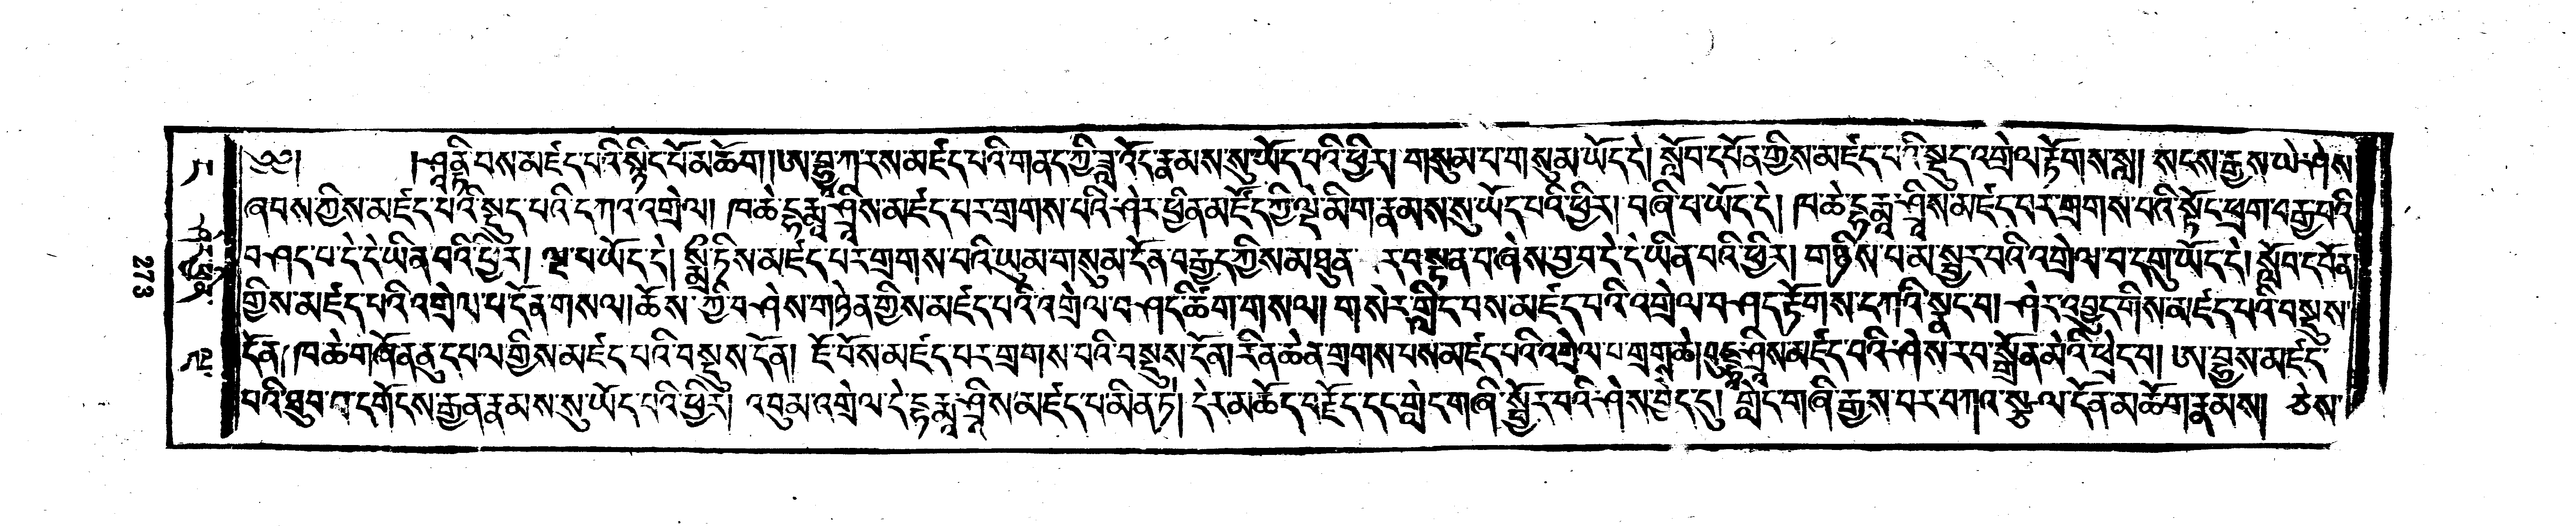༄༅། །ཤཱནྟི་པས་མཛད་པའི་སྙིང་པོ་མཆོག །ཨ་བྷྱ་ཀ་རས་མཛད་པའི་གནད་ཀྱི་ཟླ་འོད་རྣམས་སུ་ཡོད་པའི་ཕྱིར། གསུམ་པ་གསུམ་ཡོད་དེ། སློབ་དཔོན་གྱིས་མཛད་པའི་སྡུད་འགྲེལ་རྟོགས་སླ། སངས་རྒྱས་ཡེ་ཤེས་
ཞབས་ཀྱིས་མཛད་པའི་སྡུད་པའི་དཀའ་འགྲེལ། ཁ་ཆེ་དྷརྨཱ་ཤྲཱིས་མཛད་པར་གྲགས་པའི་ཤེར་ཕྱིན་མཛོད་ཀྱི་ལྡེ་མིག་རྣམས་སུ་ཡོད་པའི་ཕྱིར། བཞི་པ་ཡོད་དེ། ཁ་ཆེ་དྷརྨཱ་ཤྲཱིས་མཛད་པར་གྲགས་པའི་སྟོང་ཕྲག་བརྒྱ་པའི་
བཤད་པ་དེ་དེ་ཡིན་པའི་ཕྱིར། ལྔ་པ་ཡོད་དེ། སྨྲྀ་ཏིས་མཛད་པར་གྲགས་པའི་ཡུམ་གསུམ་དོན་བརྒྱད་ཀྱིས་མཐུན་པར་བསྟན་པ་ཞེས་བྱ་བ་དེ་དེ་ཡིན་པའི་ཕྱིར། གཉིས་པ་མ་སྦྱར་བའི་འགྲེལ་པ་དགུ་ཡོད་དེ། སློབ་དཔོན་
གྱིས་མཛད་པའི་འགྲེལ་པ་དོན་གསལ། ཆོས་ཀྱི་བཤེས་གཉེན་གྱིས་མཛད་པའི་འགྲེལ་བཤད་ཚིག་གསལ། གསེར་གླིང་པས་མཛད་པའི་འགྲེལ་བཤད་རྟོགས་དཀའི་སྣང་བ། ཤེར་འབྱུང་གིས་མཛད་པའི་བསྡུས་
དོན༑ ཁ་ཆེ་གཞོན་ནུ་དཔལ་གྱིས་མཛད་པའི་བསྡུས་དོན། ཇོ་བོས་མཛད་པར་གྲགས་པའི་བསྡུས་དོན། རིན་ཆེན་གྲགས་པས་མཛད་པའི་འགྲེལ་པ་གྲགས་ཆེ། བུདྡྷཱ་ཤྲཱིས་མཛད་པའི་ཤེས་རབ་སྒྲོན་མེའི་ཕྲེང་བ། ཨ་བྷྱས་མཛད་
པའི་ཐུབ་པ་དགོངས་རྒྱན་རྣམས་སུ་ཡོད་པའི་ཕྱིར། འབུམ་འགྲེལ་དེ་དྷརྨཱ་ཤྲཱིས་མཛད་པ་མིན་ཏེ། དེར་མཆོད་བརྗོད་དང་གླེང་གཞི་སྦྱོར་བའི་ཤེས་བྱེད་དུ། གླེང་གཞི་རྒྱས་པར་བཀའ་སྩལ་དོན་མཆོག་རྣམས། ཅེས་